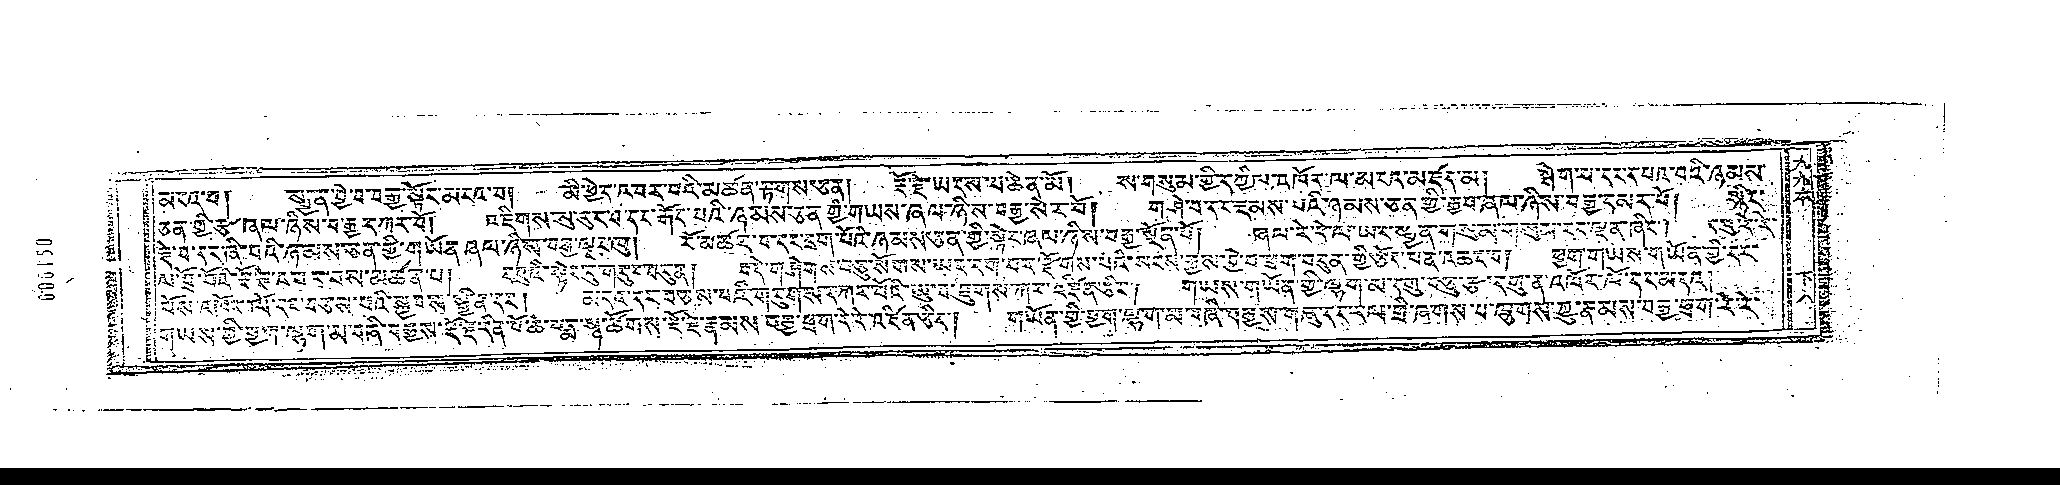མངའ་བ། སྤྱན་བྱེ་བ་བརྒྱ་སྟོང་མངའ་བ། མི་ཕྱེད་འབར་བའི་མཚན་རྟོགས་ཅན། རྡོ་རྗེ་ཡངས་པ་ཆེན་མོ། ས་གསུམ་གྱི་དཀྱིལ་འཁོར་ལ་མངའ་མཛད་མ། སྒེག་བ་དང་དཔའ་བའི་ཉམས།
ཅན་གྱི་རྩ་ཞལ་ཉིས་བརྒྱ་དཀར་པོ། འཇིགས་སུ་རུང་བ་དང་རྒོད་པའི་ཉམས་ཅན་གྱི་གཡས་ཞལ་ཉིས་བརྒྱ་སེར་པོ། གཤེ་བ་དང་རྔམས་པའི་ཉམས་ཅན་གྱི་རྒྱབ་ཞལ་ཉིས་བརྒྱ་དམར་པོ། སྙིང་
རྗེ་བ་དང་ཞི་བའི་ཉམས་ཅན་གྱི་གཡོན་ཞལ་ཉིས་བརྒྱ་ལྗང་ཁུ། ངོ་མཚར་པ་དང་དག་པོའི་ཉམས་ཅན་གྱི་སྟེང་ཞལ་ཉིས་བརྒྱ་སྔོན་པོ། ཞལ་རེ་རེ་ལ་ཡང་སྤྱན་གསུམ་གསུམ་དང་ལྡན་ཞིང་། དབུ་རེ་རེ་
ལ་ཁྲོ་བོའི་རྡོ་རྗེ་འབར་བས་མཚན་པ། དབུའི་སྟེང་དུ་གདུང་བདུན། བདེ་གཤེགས་བཅུ་སོགས་ཡང་དག་བར་རྫོགས་པའི་སངས་རྒྱས་བྱེ་བ་ཕྲག་བདུན་གྱི་ཅོད་པན་འཆང་བ། ཕྱག་གཡས་གཡོན་གྱི་དང་
པོས་འཁོར་ལོ་དང་བཅས་པའི་སྐྱབས་སྦྱིན་དང་། མདའ་དང་བཅས་པའི་གདུགས་དཀར་པོའི་ཡུ་བ་ཐུགས་ཀར་འཛིན་ཅིང་། གཡས་གཡོན་གྱི་ལྷག་མ་དགུ་བཅུ་རྩ་དགུ་ན་འཁོར་ལོ་དང་མདའ།
གཡས་ཀྱི་ཕྱག་ལྷག་མ་བཞི་བརྒྱས་རྡོ་རྗེ་རིན་པོ་ཆེ་པདམ་སྣ་ཚོགས་རྡོ་རྗེ་རྣམས་བརྒྱ་ཕྲག་རེ་རེ་འཛིན་ཅིང་། གཡོན་གྱི་ཕྱག་ལྷག་མ་བཞི་བརྒྱས་གཞུ་དང་རལ་གྲི་ཞགས་པ་ལྕགས་ཀྱུ་རྣམས་བརྒྱ་ཕྲག་རེ་རེ་